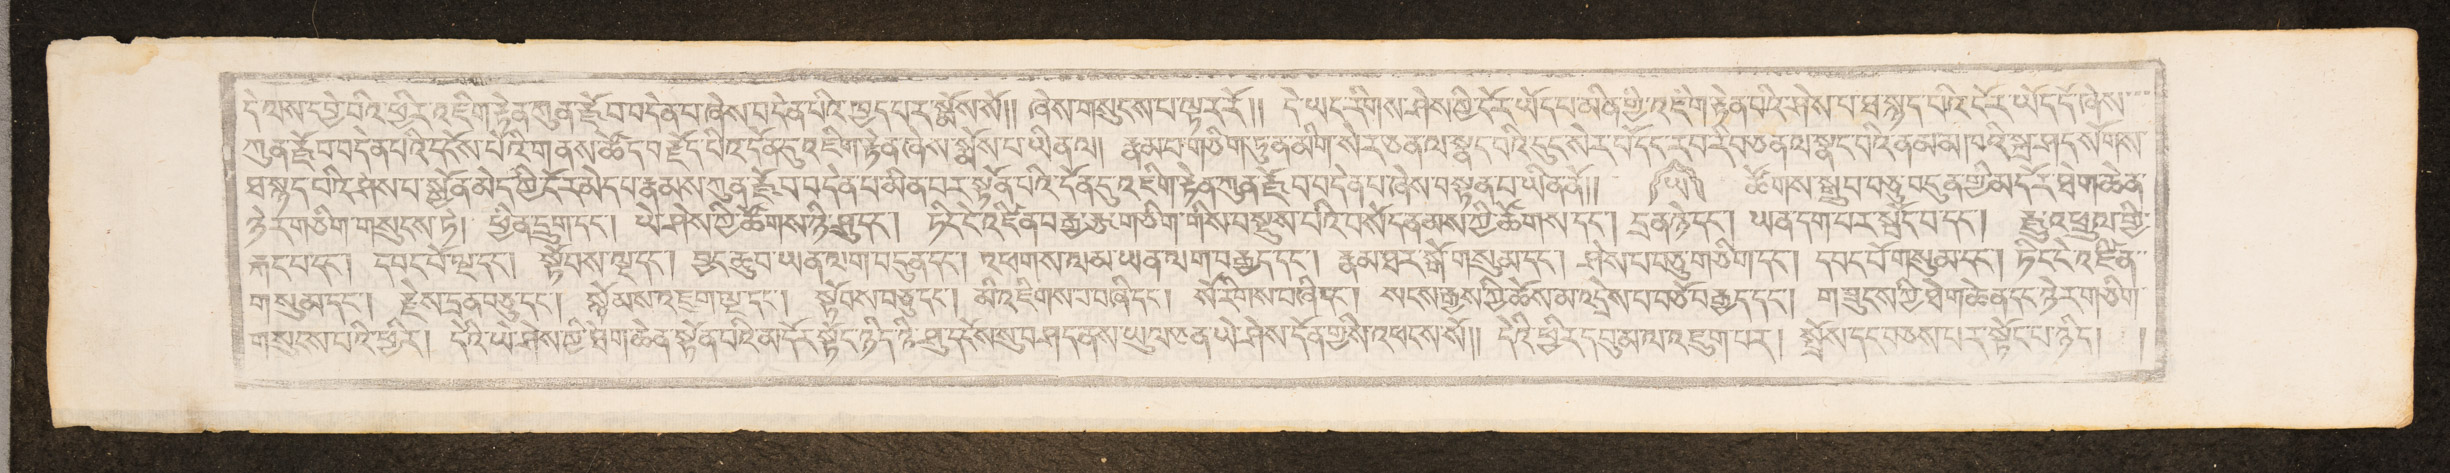དེ་ལས་དབྱེ་བའི་ཕྱིར་འཇིག་རྟེན་ཀུན་རྫོབ་བདེན་པ་ཞེས་བདེན་པའི་ཁྱད་པར་སྨོས་སོ། །ཞེས་གསུངས་པ་ལྟར་རོ། །དེ་ཡང་རིགས་ཤེས་ཀྱི་ངོར་ཡོང་པ་མིན་གྱི་འཇིག་རྟེན་བའི་ཤེས་པ་ཐ་སྙད་པའི་ངོར་ཡོད་དོ་ཞེས་
ཀུན་རྫོབ་བདེན་པའི་དངོས་པོའི་གནས་ཚོད་བརྗོད་པའི་དོན་དུ་འཇིག་རྟེན་ཞེས་སྨོས་པ་ཡིན་ལ། རྣམ་པ་གཅིག་ཏུ་ན་མིག་སེར་ཅན་ལ་སྣང་བའི་དུང་སེར་པོ་དང་རབ་རིབ་ཅན་ལ་སྣང་བའི་ནམ་མཁའི་སྐྲ་ཤད་སོགས་
ཐ་སྙད་པའི་ཤེས་པ་སྐྱོན་མེད་ཀྱི་ངོར་མེད་པ་རྣམས་ཀུན་རྫོབ་བདེན་པ་མིན་པར་སྟོན་པའི་དོན་དུ་འཇིག་རྟེན་ཀུན་རྫོབ་བདེན་པ་ཞེས་བསྟན་པ་ཡིན་ནོ།། ༼༽ཡ༼༽ ཚོགས་སྒྲུབ་བཅུ་བདུན་གྱི་མདོར་ཐེག་ཆེན་
ཉེར་གཅིག་གསུངས་ཏེ། ཕྱིན་དྲུག་དང་། ཡེ་ཤེས་ཀྱི་ཚོགས་ཉི་ཤུ་དང་། ཏིང་ངེ་འཛིན་བརྒྱ་རྩ་གཅིག་གིས་བསྡུས་པའི་བསོད་ནམས་ཀྱི་ཚོགས་དང་། དྲན་ཉེ་དང་། ཡན་དག་པར་སྦོང་བ་དང་། རྫུ་འཕྲུལ་གྱི་
རྐང་པ་དང་། དབང་པོ་ལྔ་དང་། སྟོབས་ལྔ་དང་། བྱང་ཆུབ་ཡན་ལག་བདུན་དང་། འཕགས་ལམ་ཡན་ལག་བརྒྱད་དང་། རྣམ་ཐར་སྒོ་གསུམ་དང་། ཤེས་པ་བཅུ་གཅིག་དང་། དབང་པོ་གསུམ་དང་། ཏིང་ངེ་འཛིན་
གསུམ་དང་། རྗེས་དྲན་བཅུ་དང་། སྙོམས་འཇུག་ལྔ་དང་། སྟོབས་བཅུ་དང་། མི་འཇིགས་པ་བཞི་དང་། སོ་རིགས་བཞི་དང་། སངས་རྒྱས་ཀྱི་ཆོས་མ་འདྲེས་པ་བཅོ་བརྒྱད་དང་། གཟུངས་ཀྱི་ཐེག་ཆེན་དང་ཉེར་གཅིག་
གསུངས་པའི་ཕྱིར། དེའི་ཡེ་ཤེས་ཀྱི་ཐེག་ཆེན་སྟོན་པའི་མདོར་སྟོང་ཉིད་ཉི་ཤུ་དངོས་སུ་བཤད་ནས་ཡུལ་ཅན་ཡེ་ཤེས་དོན་གྱིས་འཕངས་སོ། །དེའི་ཕྱིར་དབུ་མ་ལ་འཇུག་པར། སྤྲོས་དང་བཅས་པར་སྟོང་པ་ཉིད། །